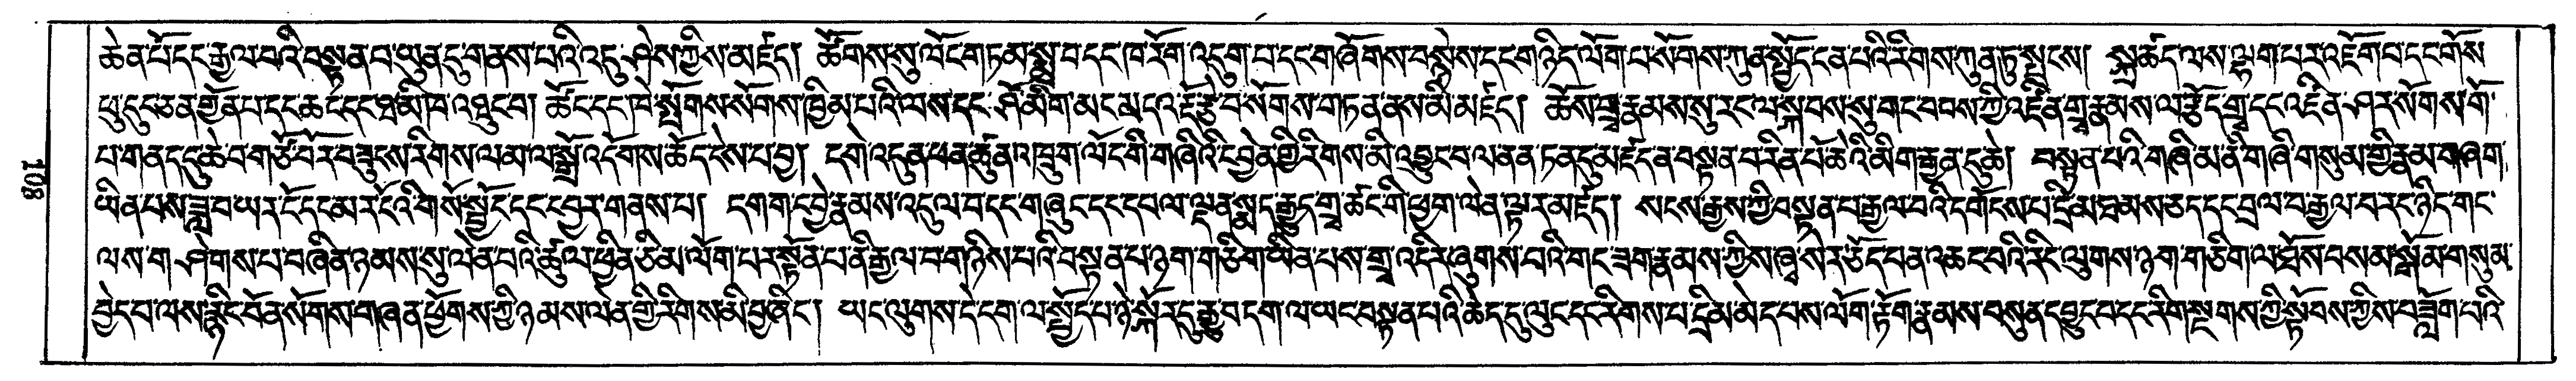ཆེན་པོ་དང་རྒྱལ་བའི་བསྟན་པ་ཡུན་དུ་གནས་པའི་འདུ་ཤེས་ཀྱིས་མཛད། ཚོགས་སུ་ལོང་གཏམ་སྨྲ་བ་དང་ཁ་རོག་འདུག་པ་དང་གཞོགས་བསྙེས་དང་གཉིད་ལོག་པ་སོགས་ཀུན་སྤྱོད་ངན་པའི་རིགས་ཀུན་ཏུ་སྤངས། སྐྲ་ཚད་ལས་ལྷག་པར་འཇོག་པ་དང་གོས་
ཕུ་དུང་ཅན་གྱོན་པ་དང་ཆང་དང་ཐ་མི་ཁ་འཐུང་བ། ཚོང་དང་ཁེ་སྤོགས་སོགས་ཁྱིམ་པའི་ལས་དང་ཤོ་མིག་མང་མདའ་རྡོ་རྩེ་བ་སོགས་གཏན་ནས་མི་མཛད། ཆོས་གྲྭ་རྣམས་སུ་རང་ལ་སྐབས་སུ་གང་བབས་ཀྱི་འཛིན་གྲྭ་རྣམས་ལ་རྩོད་གྲྭ་དང་འཛིན་ཤར་སོགས་གོ་
བ་གནད་དུ་ཆེ་བ་གཙོ་བོར་བཟུངས་རིགས་ལམ་ལ་སྒྲོ་འདོགས་ཆོད་ངེས་པ་བྱ། དགེ་འདུན་ཕན་ཚུན་འཁྲུག་ལོང་གི་གཞིའི་དབྱེན་གྱི་རིགས་མི་འབྱུང་བ་ལ་ནན་ཏན་དུ་མཛད་ན་བསྟན་པ་རིན་པོ་ཆེའི་མིག་རྒྱན་དུ་ཆེ། བསྟན་པའི་གཞི་མ་ནི་གཞི་གསུམ་གྱི་རྣམ་གཞག་
ཡིན་པས་ཟླ་བ་ཡར་ངོ་དང་མར་ངོའི་གསོ་སྦྱོང་དང་དབྱར་གནས་པ། དགག་དབྱེ་རྣམས་འདུལ་བ་རང་གཞུང་དང་དཔལ་ལྡན་སྨད་རྒྱུད་གྲྭ་ཚང་གི་ཕྱག་ལེན་ལྟར་མཛད། སངས་རྒྱས་ཀྱི་བསྟན་པ་རྒྱལ་བའི་དགོངས་པ་དྲི་མ་ཐམས་ཅད་དང་བྲལ་བ་རྒྱལ་བ་རང་ཉིད་གང་
ལས་གཤེགས་པ་བཞིན་ཉམས་སུ་ལེན་པའི་ཚུལ་ཕྱིན་ཅི་མ་ལོག་པར་སྟོན་པ་ནི་རྒྱལ་བ་གཉིས་པའི་བསྟན་པ་ཉག་གཅིག་ཡིན་པས་གྲྭ་འདིར་ཞུགས་པའི་གང་ཟག་རྣམས་ཀྱིས་ཞྭ་སེར་ཅོད་པན་འཆང་བའི་རིང་ལུགས་ཉག་གཅིག་ལ་ཐོས་བསམ་སྒོམ་གསུམ་
བྱེད་པ་ལས་རྙིང་བོན་སོགས་གཞན་ཕྱོགས་ཀྱི་ཉམས་ལེན་གྱི་རིགས་མི་བྱ་ཞིང་། ཡང་ལུགས་དེ་དག་ལ་སྤྱོད་པ་ཉེ་སྐོར་དུ་རྒྱུ་བ་དག་ལ་ཡང་བསྟན་པའི་ཆེད་དུ་ལུང་དང་རིགས་པ་དྲི་མ་མེད་པས་ལོག་རྟོག་རྣམས་བསུན་དབྱུང་བ་དང་རིག་སྔགས་ཀྱི་སྟོབས་ཀྱིས་བཟློག་པའི་